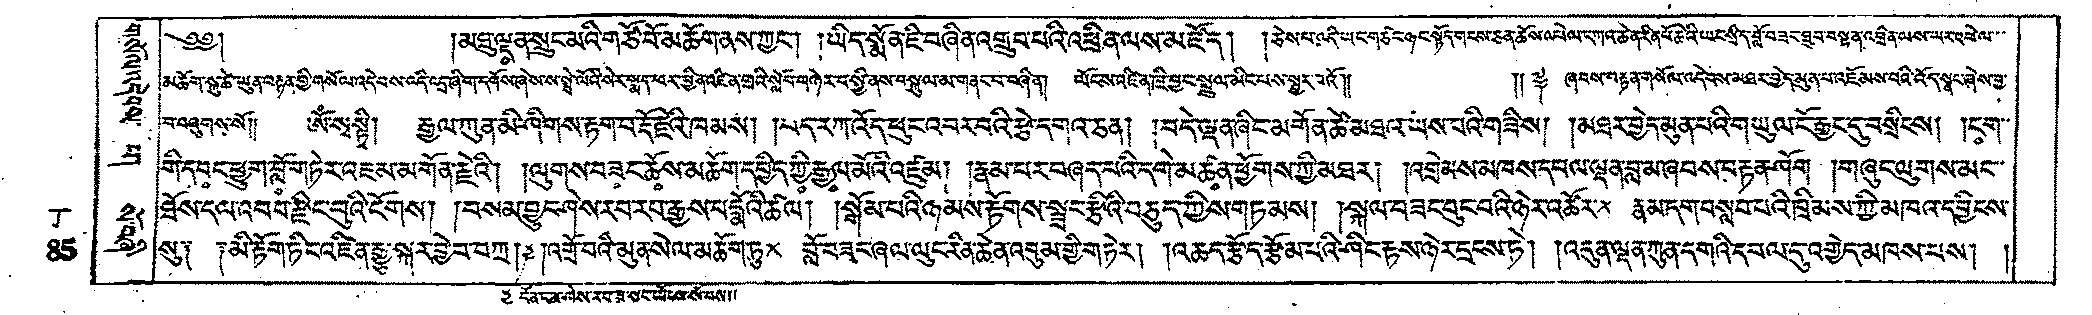༄༅། །མཐུ་ལྡན྾་སྲུང་མའི་གཙོ་བོ་མ་མཆོག་ནས་ཀྱང་། །ཡིད་སྨོན་ཇི་བཞིན་འགྲུབ་པའི་འཕྲིན་ལས་མཛོད། །ཅེས་འདི་ཡང་གཙང་ཉང་སྟོད་གངས་ཅན་ཆོས་འཕེལ་དཀའ་ཆེན་རིན་པོ་ཆེའི་ཡང་སྲིད་བློ་བཟང་ཐུབ་བསྟན་འཕྲིན་ལས་ཡར་འཕེལ་་་
མཆོག་སྐུ་ཚེ་ཡུན་བརྟན་གྱི་གསོལ་འདེབས་འདི་འདྲ་ཞིག་དགོས་ཞེས་ས་སྤྲེ་ལོའི་སེར་སྨད་ཕར་ཕྱིན་འཛིན་དགྲའ་སློབ་གཉེར་བ་སྤྱི་ནས་བསྐུལ་མ་གནང་བ་བཞིན། །ཡོངས་འཛིན་ཁྲི་བྱང་སྤྲུལ་མིང་པས་སྦྱར་བའོ།། །། འ་ཞབས་བརྟན་གསོལ་འདེབས་མཐར་བྱེད་མུན་པ་འཇོམས་པའི་འོད་སྣང་ཞེས་བྱ་
བ་བཞུགས་སོ།། ཨོཾ་སྭསྟྭི། རྒྱལ་ཀུན་མི་ཤིགས་རྟག་པོ་རྡོ་རྗེའི་ཁམས། །པད་རཀ་འོད་ཕུང་འབར་བའི་རྩེ་དགའ་ཅན། །བདེ་ལྡན་ཞིང་མགོན་ཚེ་མཐའ་ཡས་པའི་གཟིས། །མཐར་བྱེད་མུན་པའི་གཡུལ་ངོ་རྒྱང་དུ་བསྲིངས། །ངག་་་
གི་དབང྾་ཕྱུག྾་བློ྾་གཏེར་འཇམ་མགོན་རྗེའི། །ལུགས་བཟང྾་ཆོས྾་མཆོག་དཔྱིད་ཀྱི྾་རྒྱལ྾་མོའི་འཛུམ། །རྣམ་པར་བཞད་པའི་དགེ་མཚན྾་ཕྱོགས་ཀྱི་མཐར། །འགྲེམས་མཁས་དཔལ་ལྡན་བླ་མ་ཞབས་བརྟན་ཤོག །གཞུང་ལུགས་མང྾་་་
ཐོས་དལ་འབབ་རྫིང་བུའི་ངོགས། །བསམ་བྱུང་ཤེས་རབ་རབ་རྒྱས་པདམོའི་ཚལ། །སྒོམ་པའི་ཉམས་རྟོགས་སྦངྲྩིའི་བཅུད་ཀྱིས་གཏམས། །སྐལ་བཟང་བུང་བའི་ཉེར་འཚོར་྾་རྣམ་དག་བསླ་པའི་ཁྲིམས་ཀྱི་མཁའ་དབྱིངས་
སུ༑ ༑མི་རྟོག་ཏིང་ངེ་འཛིན་རྒྱུ་སྐར་བྱེ་བ་བཀྲ། དོན་དམ་ཤེས་རབ་ཟུ་སང་ཡོངས་སོ་བས།།  །འགྲོ་བའི་མུན་སེལ་མཆོག་ཏུ་྾་བློ་བཟང་ཞལ་ལུང་རིན་ཆེན་འབུམ་གྱི་གཏེར། །འཆད་རྩོད་རྩོམ་པའི་ཤིང་རྟས་ཉེར་དྲངས་ཏེ། །འདུན་ལྡན་ཀུན་དགའི་དཔལ་དུ་འགྱེད་མཁས་པས། །